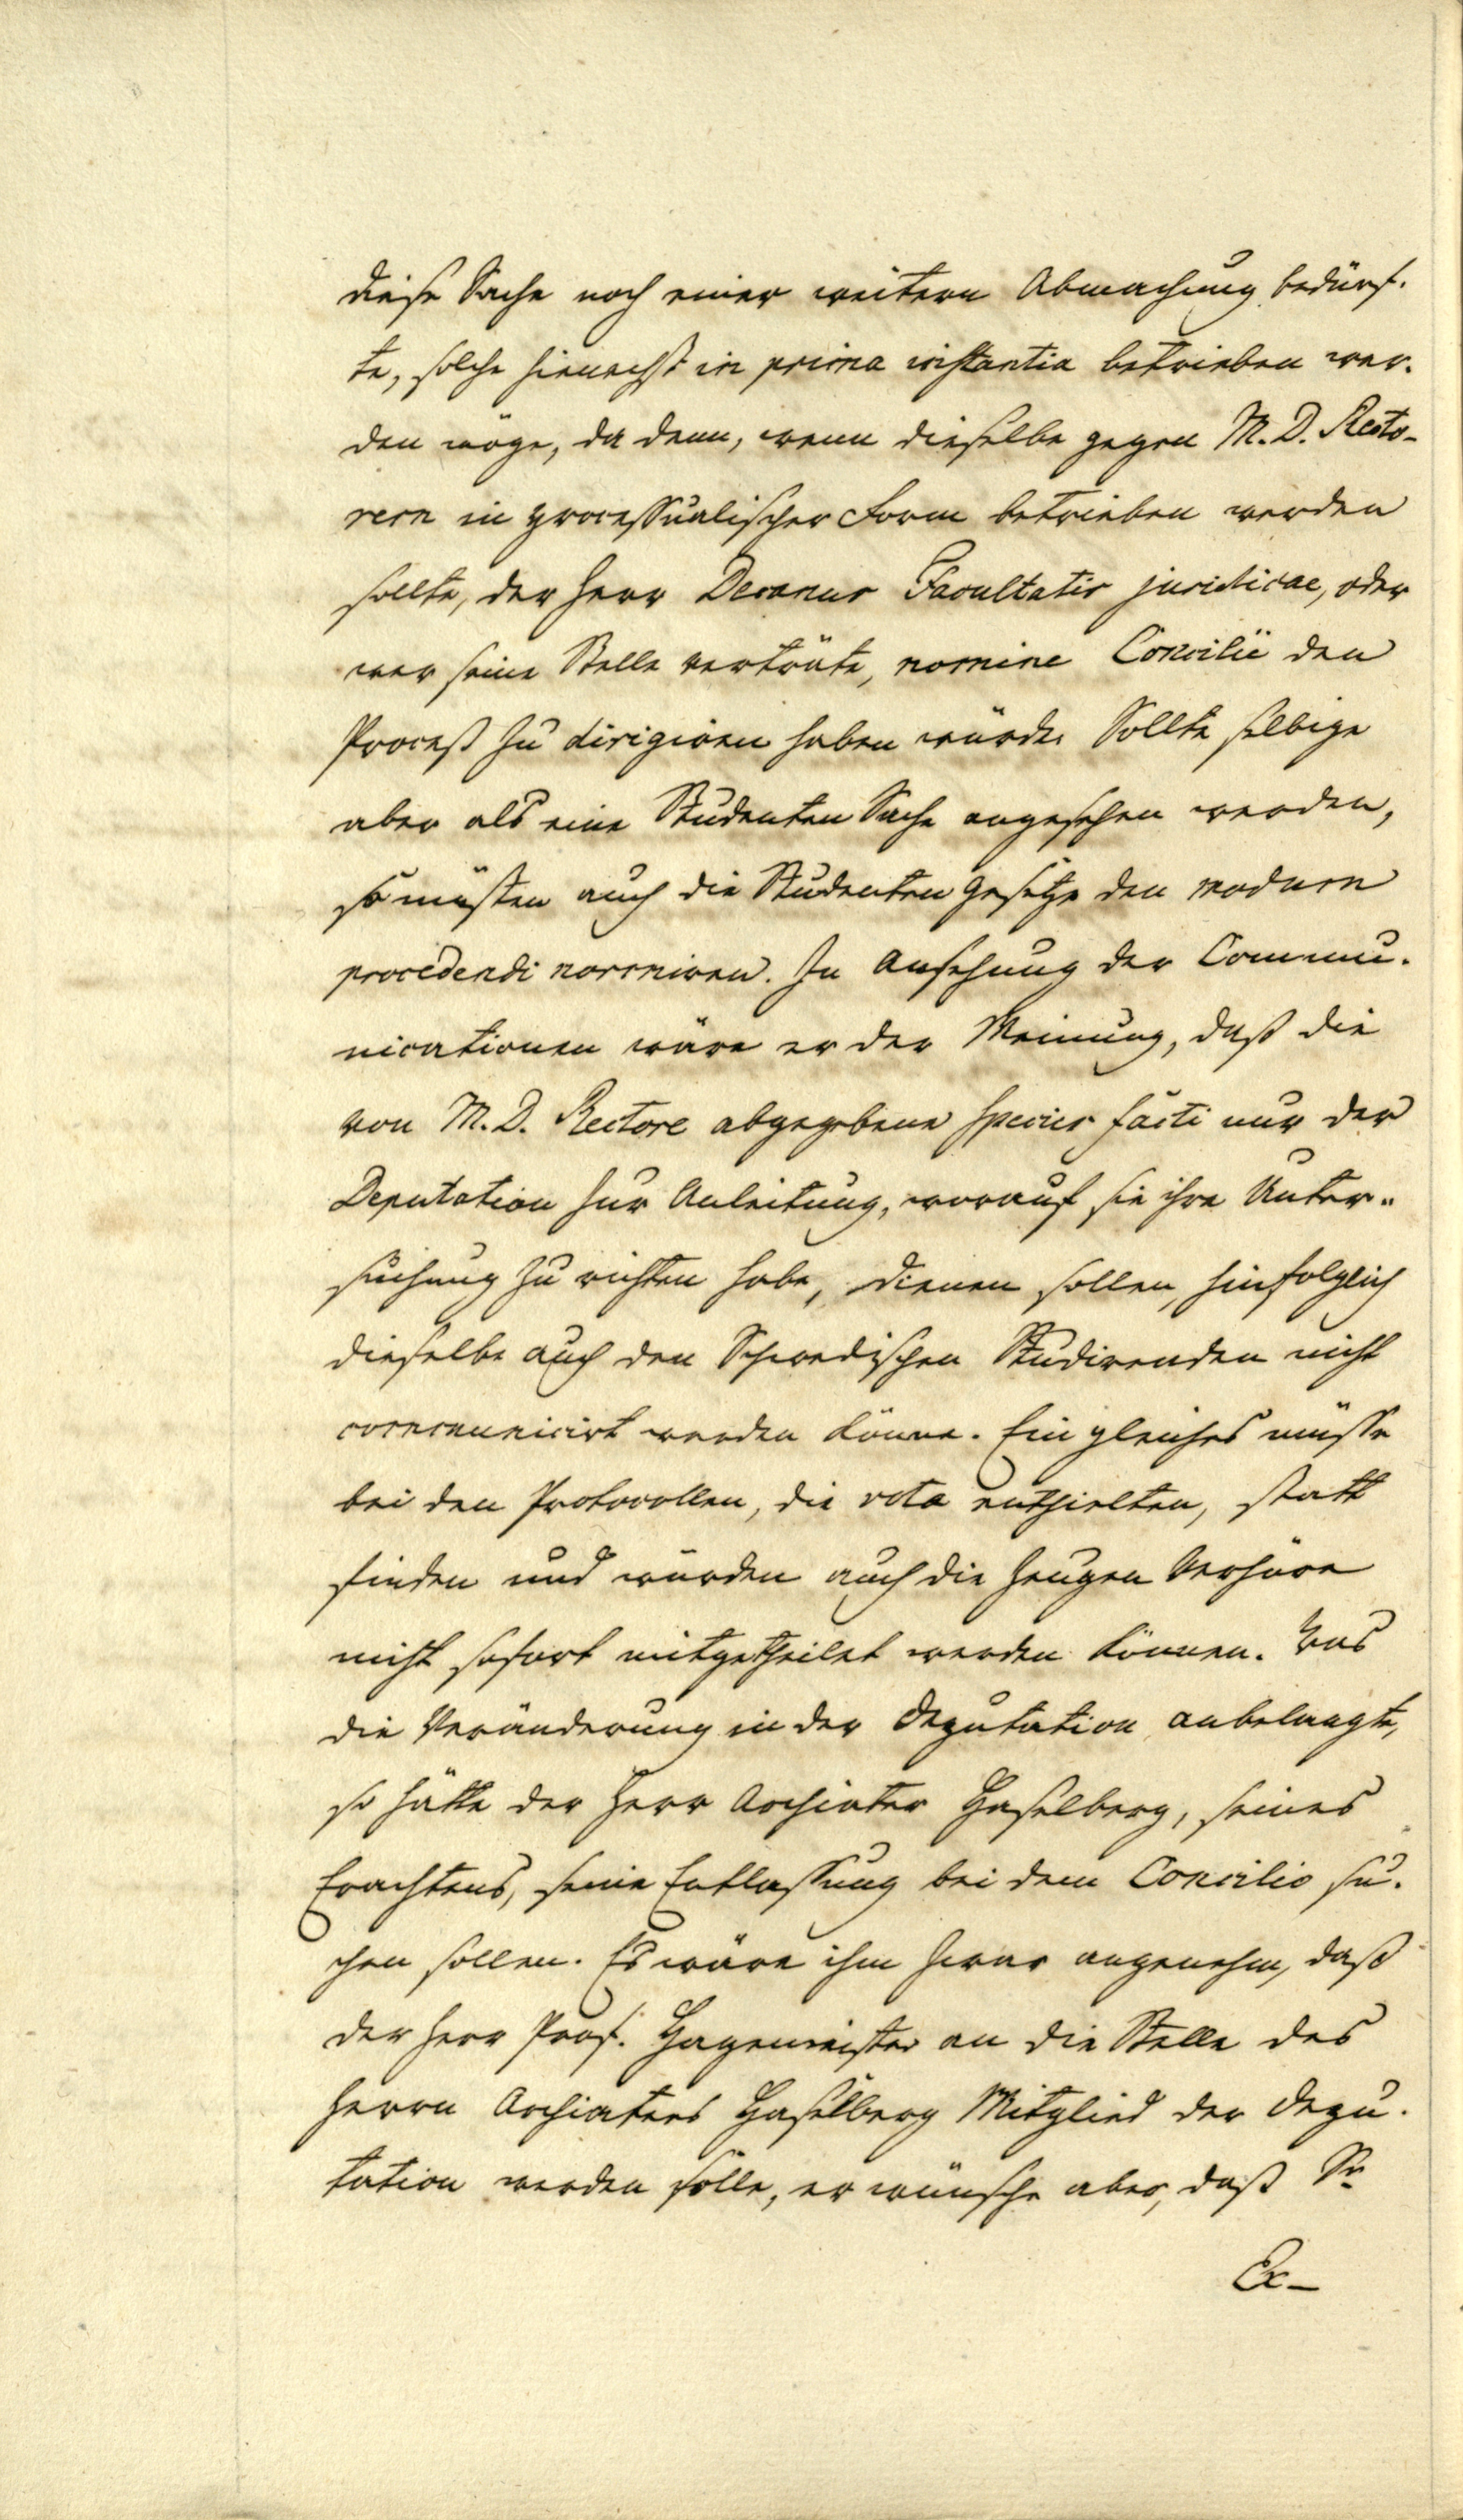diese Sache noch einer weitern Abmachung bedürf¬
te, solche hienechst in primo instantia betrieben wer¬
den möge, da denn, wenn dieselbe gegen M. D. Recto¬
rem in processualischer Form betrieben werden
sollte, der Herr Decanus Facultatis juridicae, oder
wer seine Stelle verträte, nomine Concilii den
Proceß zu dirigiren haben würde. Sollte selbige
aber als eine Studenten Sache angesehen werden,
so müsten auch die Studenten Gesetze den modum
procedendi normiren. In Ansehung der Commu¬
nicationen wäre er der Meinung, daß die
von M. D. Rectore abgegebene species facti nur der
Deputation zur Anleitung, worauf sie ihre Unter¬
suchung zu richten habe, dienen sollen, hinfolglich
dieselbe auch den Schwedischen Studirenden nicht
communicirt werden könne. Ein gleiches müsse
bei den Protocollen, die vota enthielten, statt
finden und würden auch die Zeugen Verhöre
nicht sofort mitgetheilet werden können. Was
die Veränderung in der Deputation anbelangte,
so hätte der Herr Archiater Haselberg, seines
Erachtens, seine Entlassung bei dem Concilio su¬
chen sollen. Es wäre ihm zwar angenehm, daß
der Herr Prof. Hagemeister an die Stelle des
Herrn Archiaters Haselberg Mitglied der Depu¬
tation werden solle, er wünsche aber, daß Sr
Ex¬